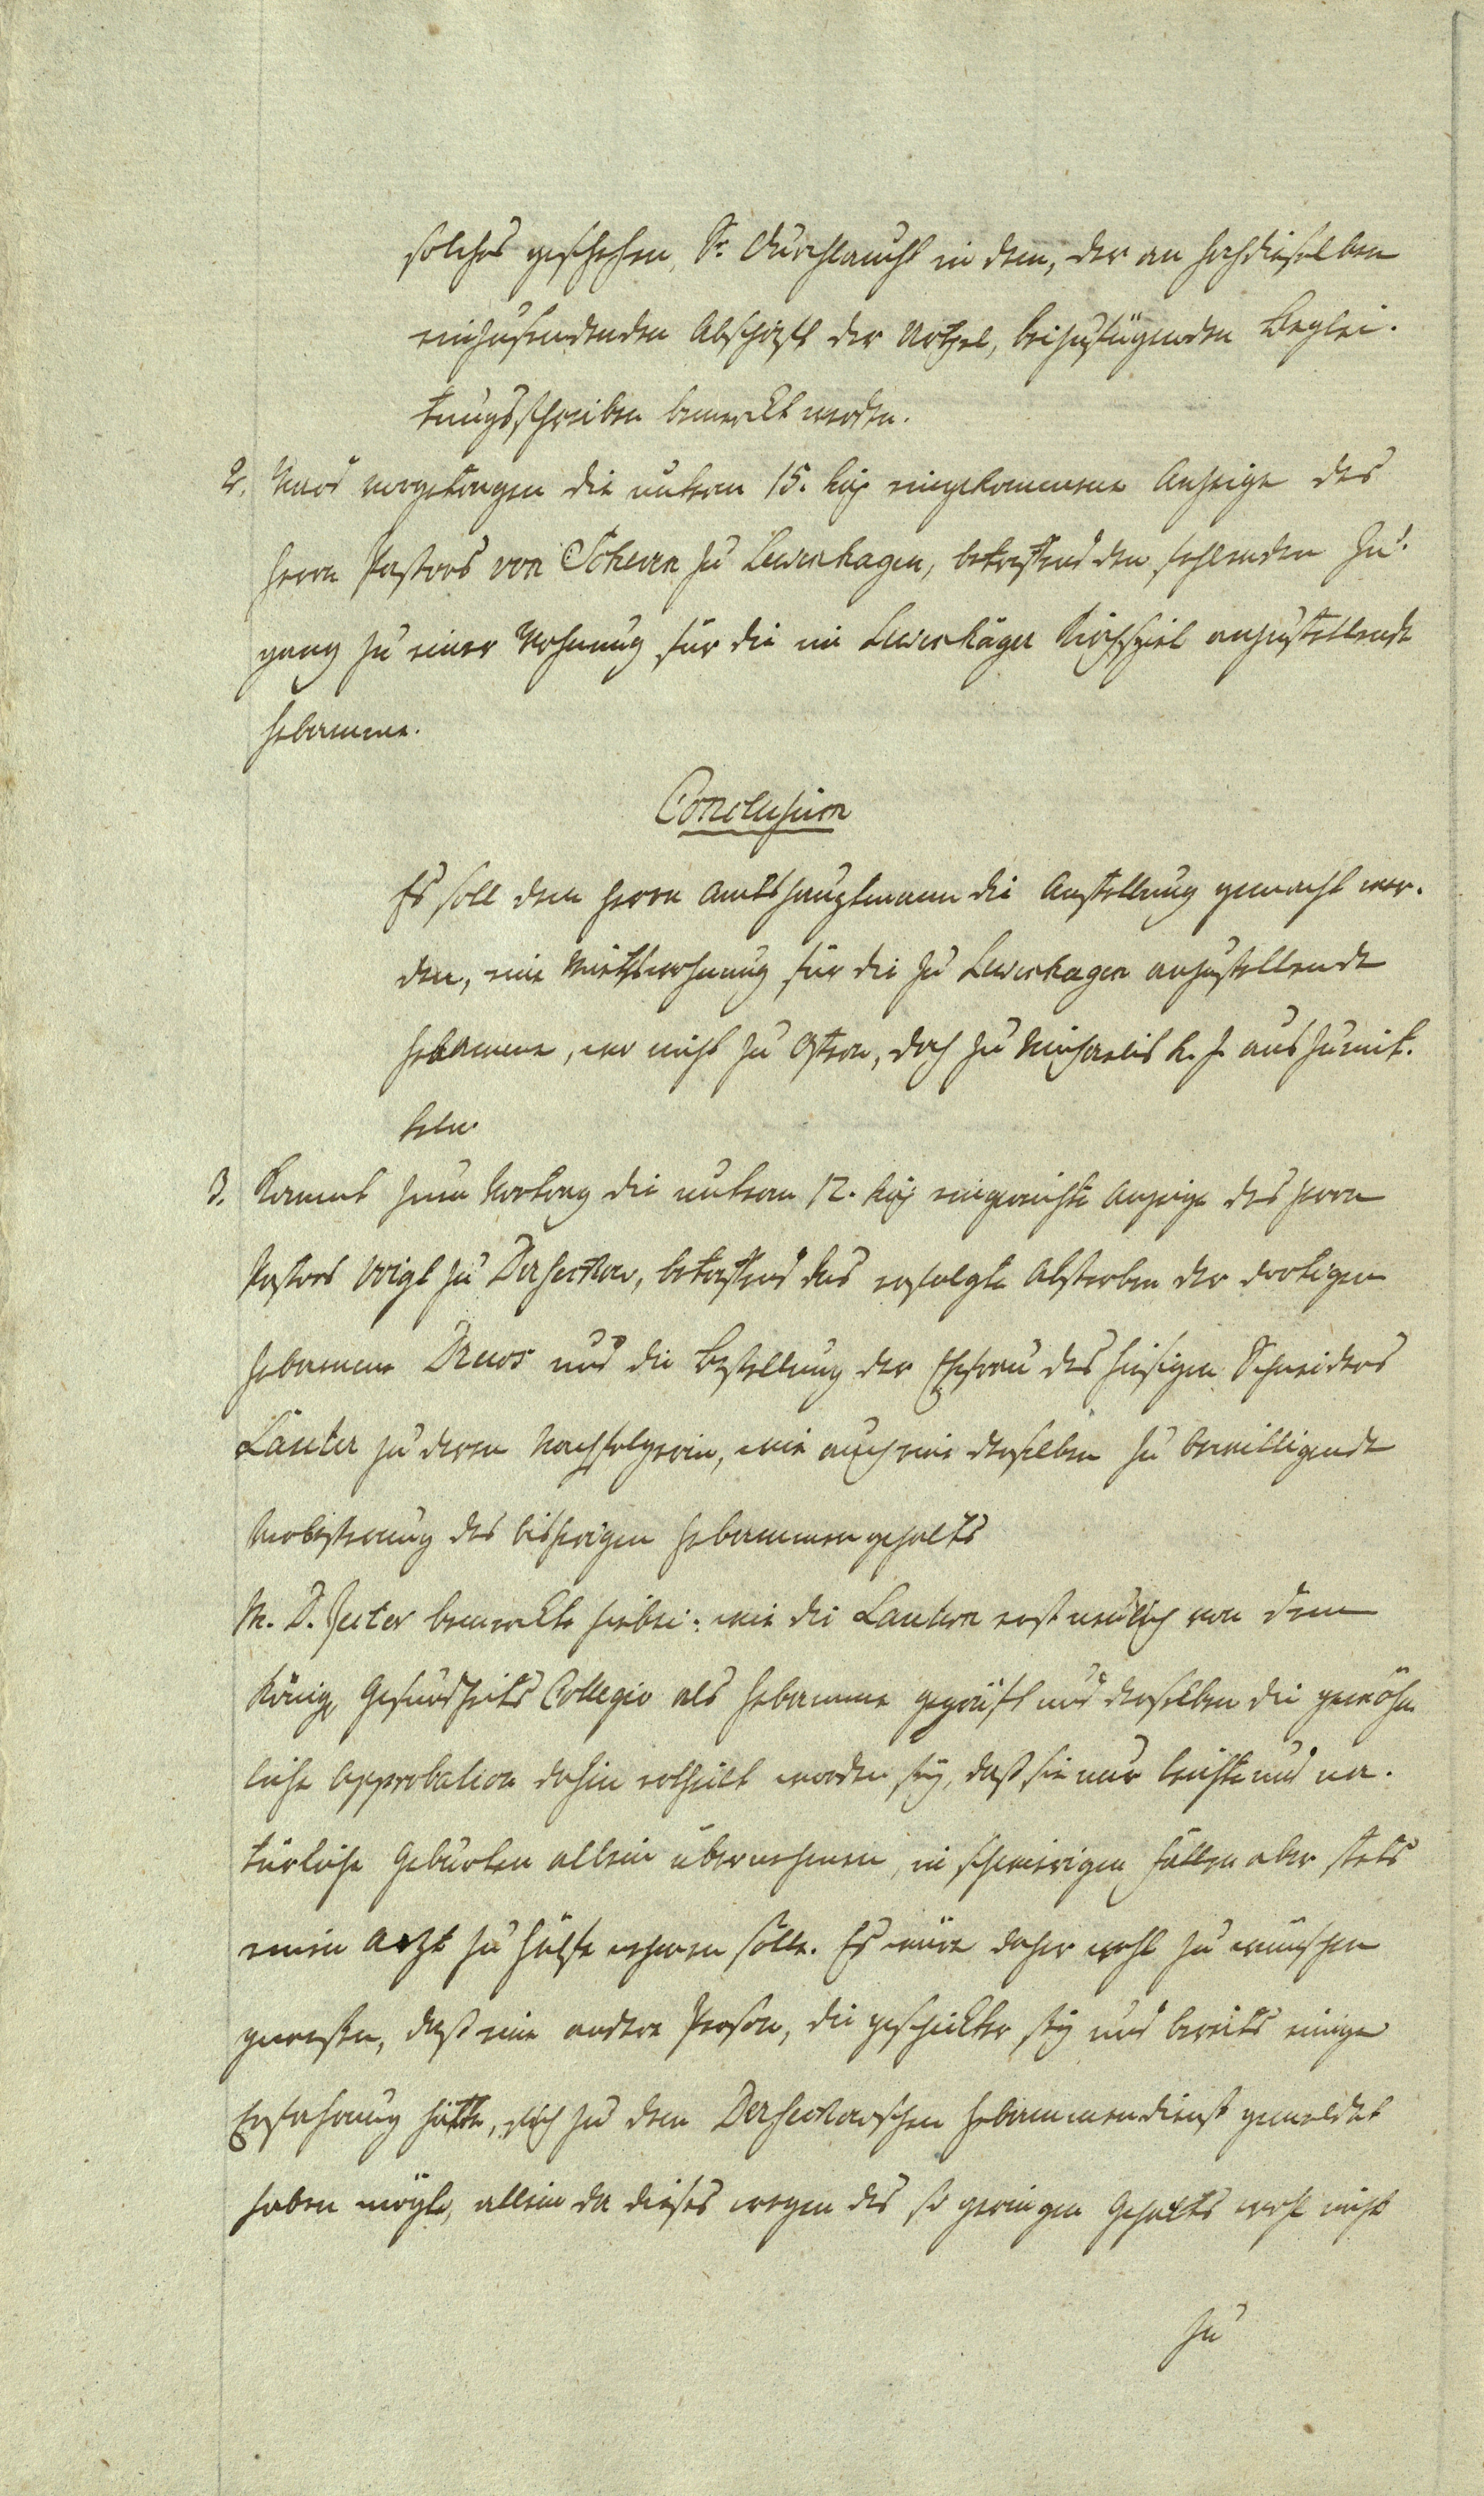solches geschehen, Sr Durchlaucht in dem, der an hochdieselben
einzusendenden Abschrift der Urthel, beizufügenden Beglei¬
tungschreiben bemerckt werden.
2, Ward vorgetragen die unterm 15. huj. eingekommene Anzeige des
Herrn Pastors von Scheven zu Lewenhagen, betreffend den fehlenden Zu¬
gang zu einer Wohnung für die im Lewenhäger Kirchspiel anzustellende
Hebamme.
Conclusum
Es soll dem Herrn Amtshauptmann die Anstellung gemacht wer¬
den, eine Miethswohnung für die zu Lewenhagen anzustellende
Hebamme, wo nicht zu Ostern, doch zu Michaelis k. J. aus zumit¬
teln.
3. Kommt zum Vortrag die unterm 12. huj eingereichte Anzeige des Herrn
Pastor Voigt zu Dersekow, betreffend das erfolgte Absterben der dortigen
Hebamme Drews und die Bestellung der Ehefrau des hiesigen Schneiders
Lauter zu deren Nachfolgerin, wie auch eine derselben zu bewilligende
Verbesserung des bisherigen Hebammengehalts
M. D. Rector bemerkte hiebei: wie die Lautern erst neulich von dem
Königl Gesundheits Collegio als Hebamme geprüft und derselben die gewöhn¬
liche Approbation dahin ertheilt worden seÿ, daß sie nur leichte und na¬
türliche Geburten allein übernehmen, in schwierigen Fällen aber stets
einen Arzt zu Hülfe nehmen solle. Es wäre daher wohl zu wünschen
gewesen, daß eine andere Person, die geschickter seÿ und bereits einige
Erfahrung hätte, sich zu dem Dersekowschen Hebammendienst gemeldet
haben mögte, allen da dieses wegen des so geringen Gehalts wol nicht
zu